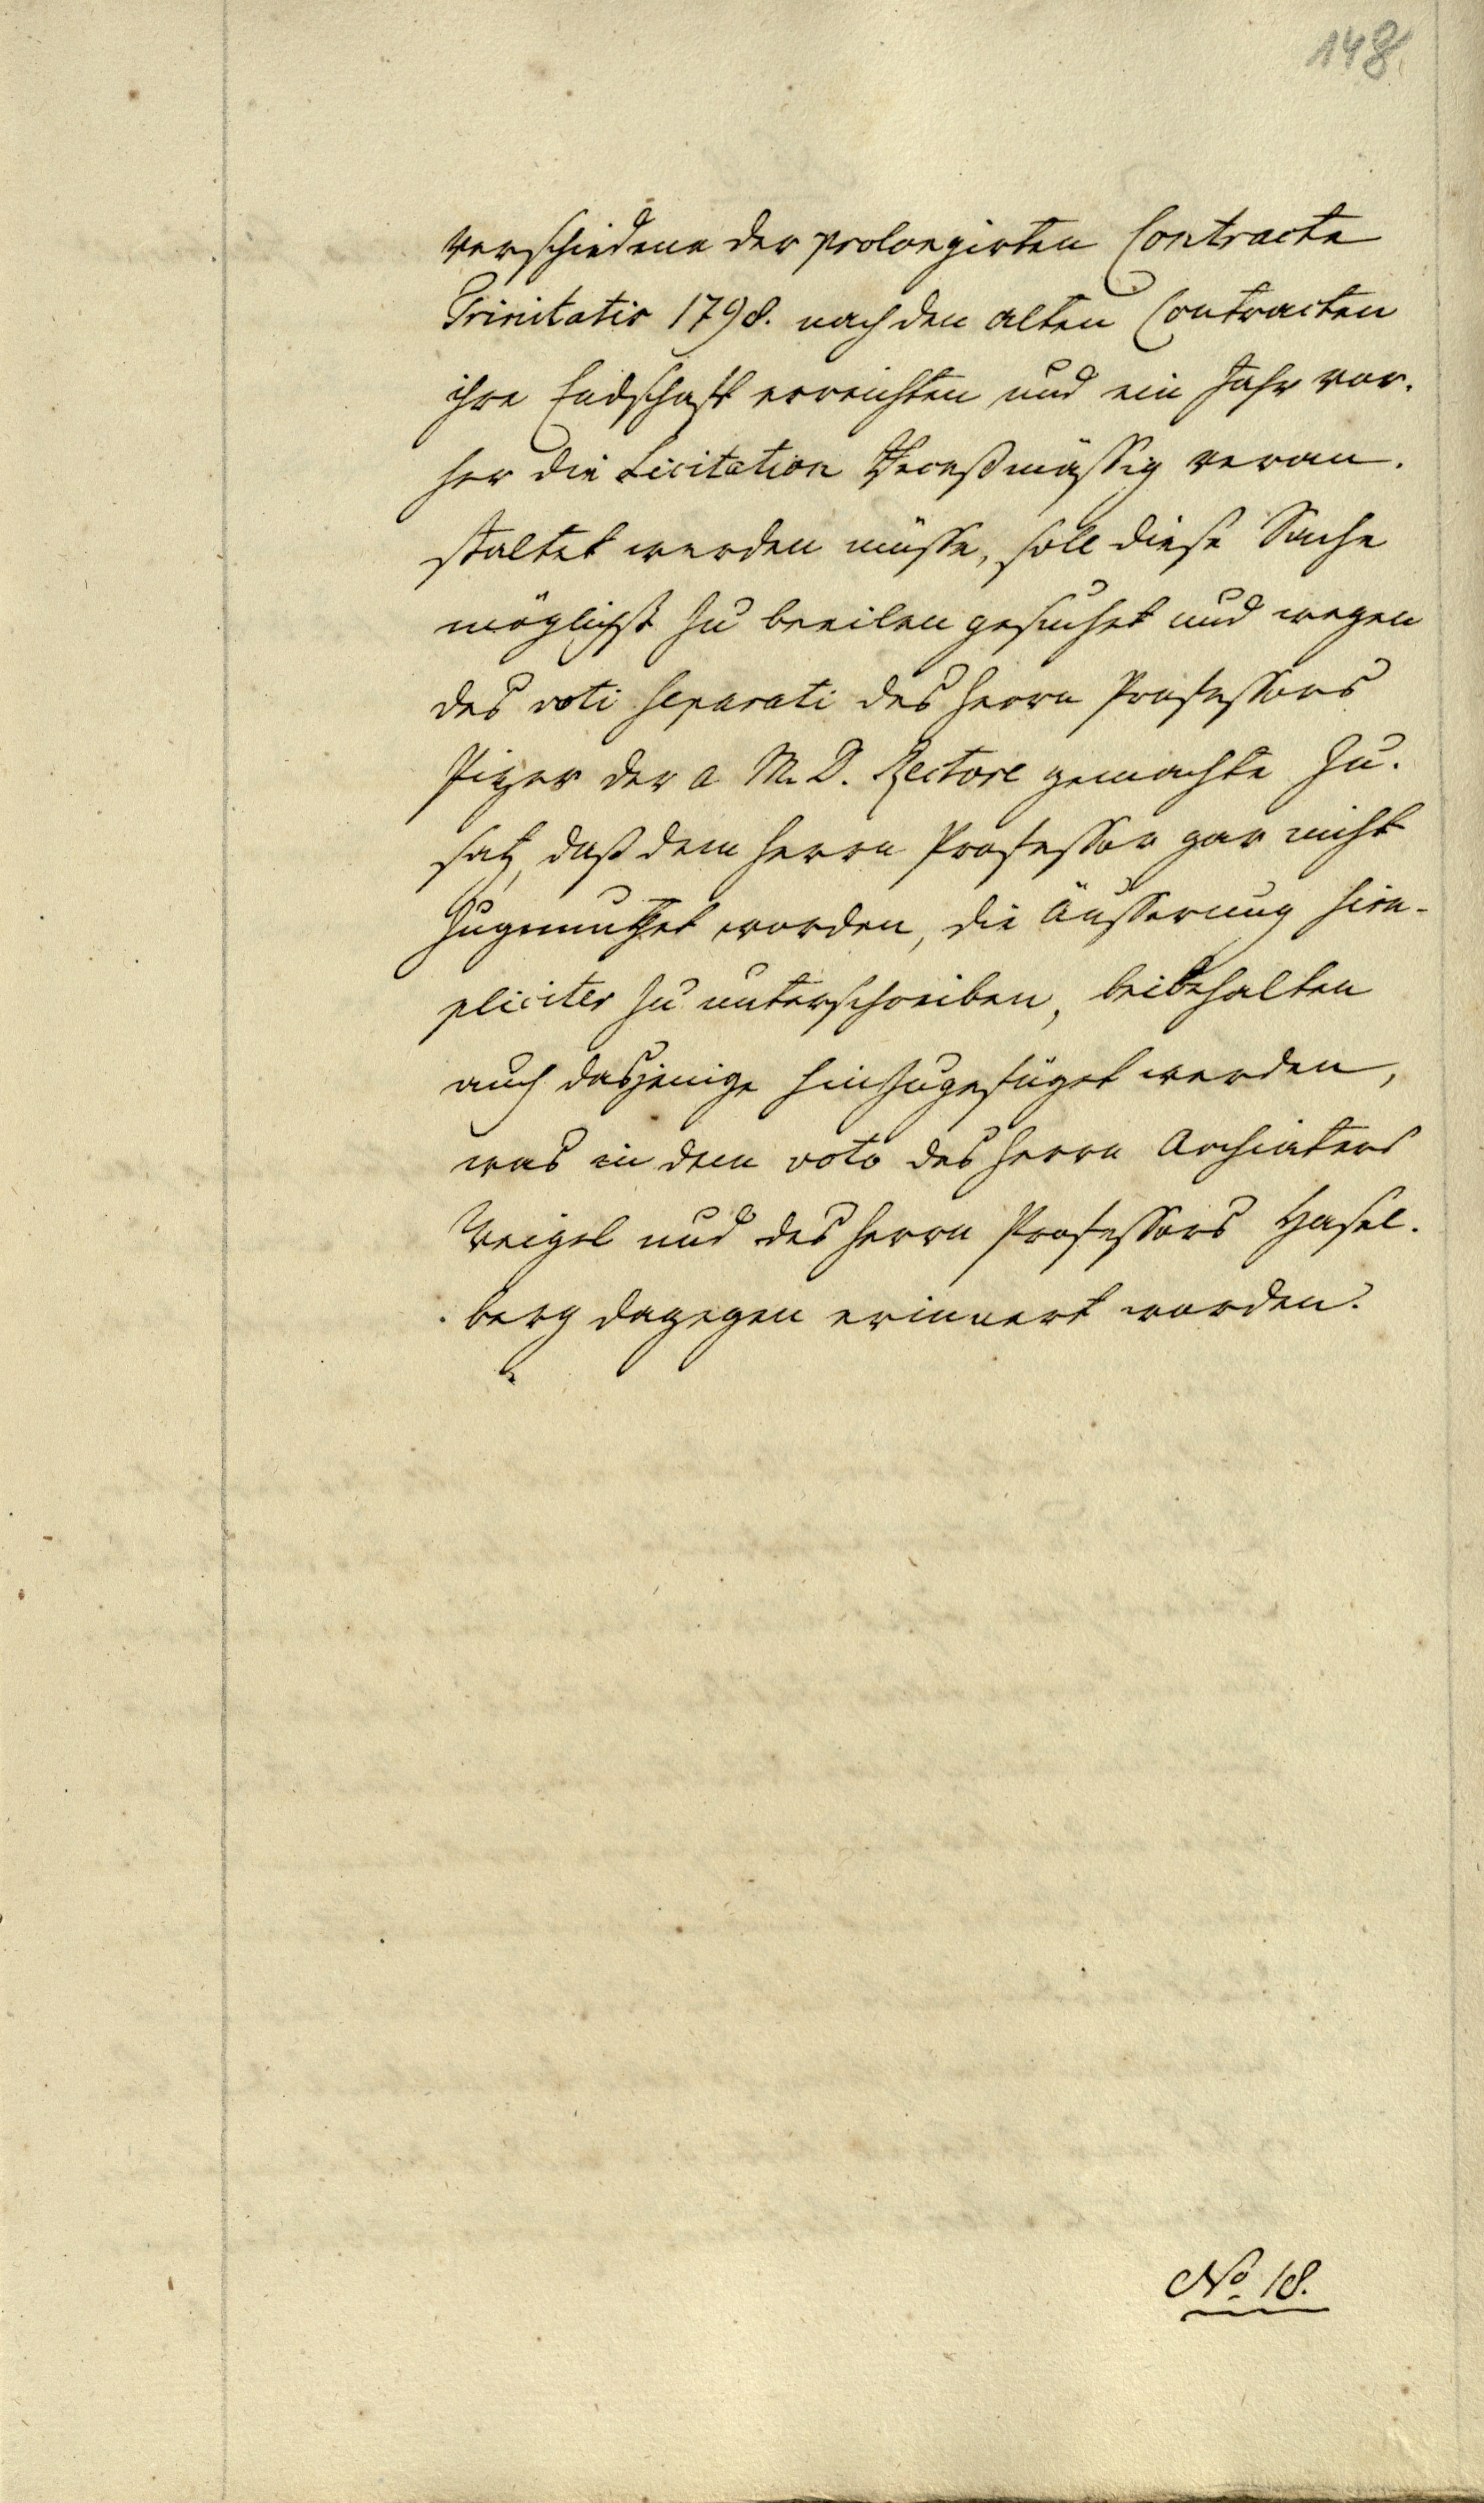verschiedene der prolongirten Contracte
Trinitatis 1798. nach den alten Contracten
ihre Endschaft erreichten und ein Jahr vor¬
her die Licitation Recesmässig veran¬
staltet werden müsse, soll diese Sache
möglichst zu beeilen gesuchet und wegen
des voti separati des Herrn Professors
Piper der a M. D. Rectore gemachte Zu¬
satz, daß dem Herrn Professor gar nicht
zugemuthet worden, die Äusserung sim¬
pliciter zu unterschreiben, beibehalten
auch dasjenige hinzugefüget werden,
was in dem voto des Herrn Archiaters
Weigel und des Herrn Professors Hasel¬
berg dagegen erinnert worden.
No 18.